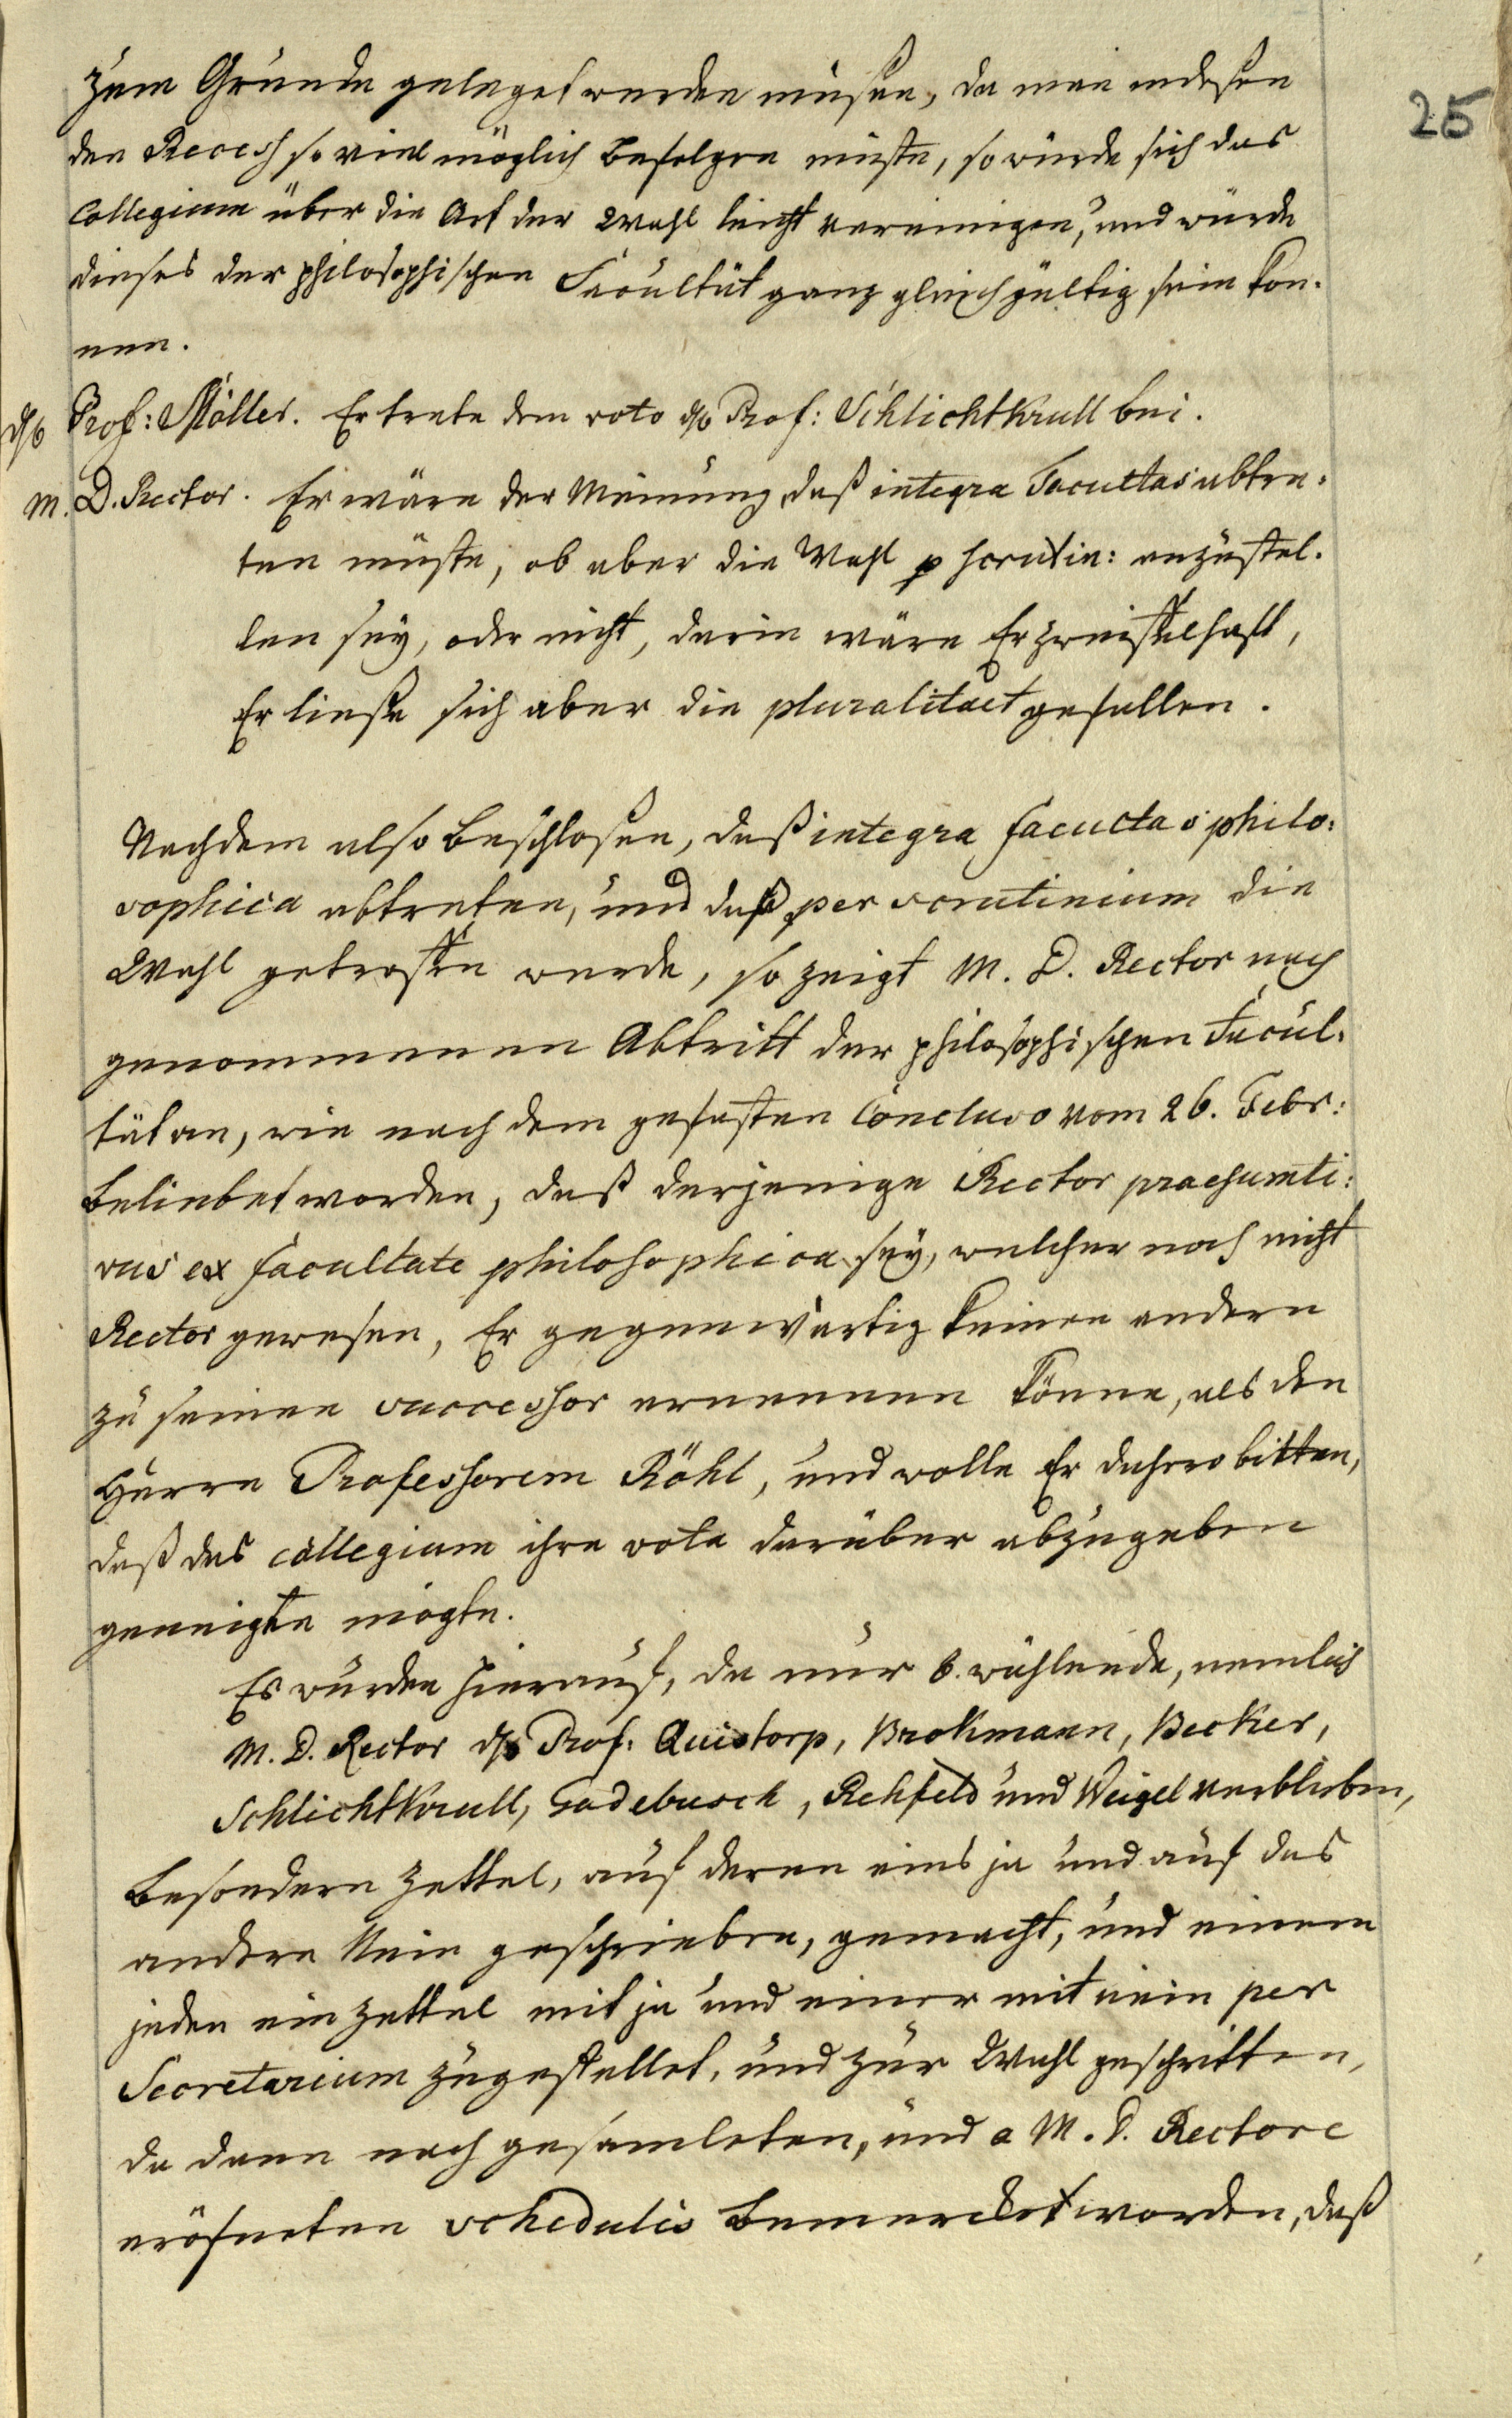zum Grunde geleget werden müßen, da man indeßen
den Recess so viel möglich befolgen müste, so würde sich das
Collegium über die Art der Wahl leicht vereinigen, und würde
dieses der philosophischen Facultät ganz gleichgültig sein kon¬
nen.
dh Prof. Möller. Er trete dem voto dh Prof. Schlichtkrull bei.
M. D. Rector. Er wäre der Meinung, daß integra Facultas abtre¬
ten müste, ob aber die Wahl p scrutin. anzustel¬
len seÿ, oder nicht, darin wäre Er zweiffelhaft,
Er ließe sich aber die pluralitaet gefallen.
Nachdem also beschlossen, daß integra facultas philo¬
sophica abtreten, und daß per scrutinium die
Wahl getroffen werde, so zeigt M. D. Rector nach
genommenen Abtritt der philosophischen Facul¬
tät an, wie nach dem gefasten Concluso vom 26. Febr.
beliebet worden, daß derjenige Rector praesumti¬
vus ex facultate philosophica seÿ, welcher noch nicht
Rector gewesen, Er gegenwärtig keinen andern
zu seinen successor ernennen könne, als den
Herrn Professorem Röhl, und wolle Er dahero bitten,
daß das collegium ihre vota darüber abzugeben
geneigen mögte.
Es wurde hierauf, da nur 8. wählende, nemlich
M. D. Rector dh Prof. Quistorp, Brokmann Becker,
Schlichtkrull, Gadebusch, Rehfeld und Weigel verblieben,
besondere Zettel, auf deren eins ja und auf das
andere Nein geschrieben, gemacht, und einem
jeden ein Zettel mit ja und einer mit nein per
Secretarium zugestellet, und zur Wahl geschritten,
da dann nach gesamleten, und a M. D. Rectore
eröfneten schedulis bemercket worden, daß